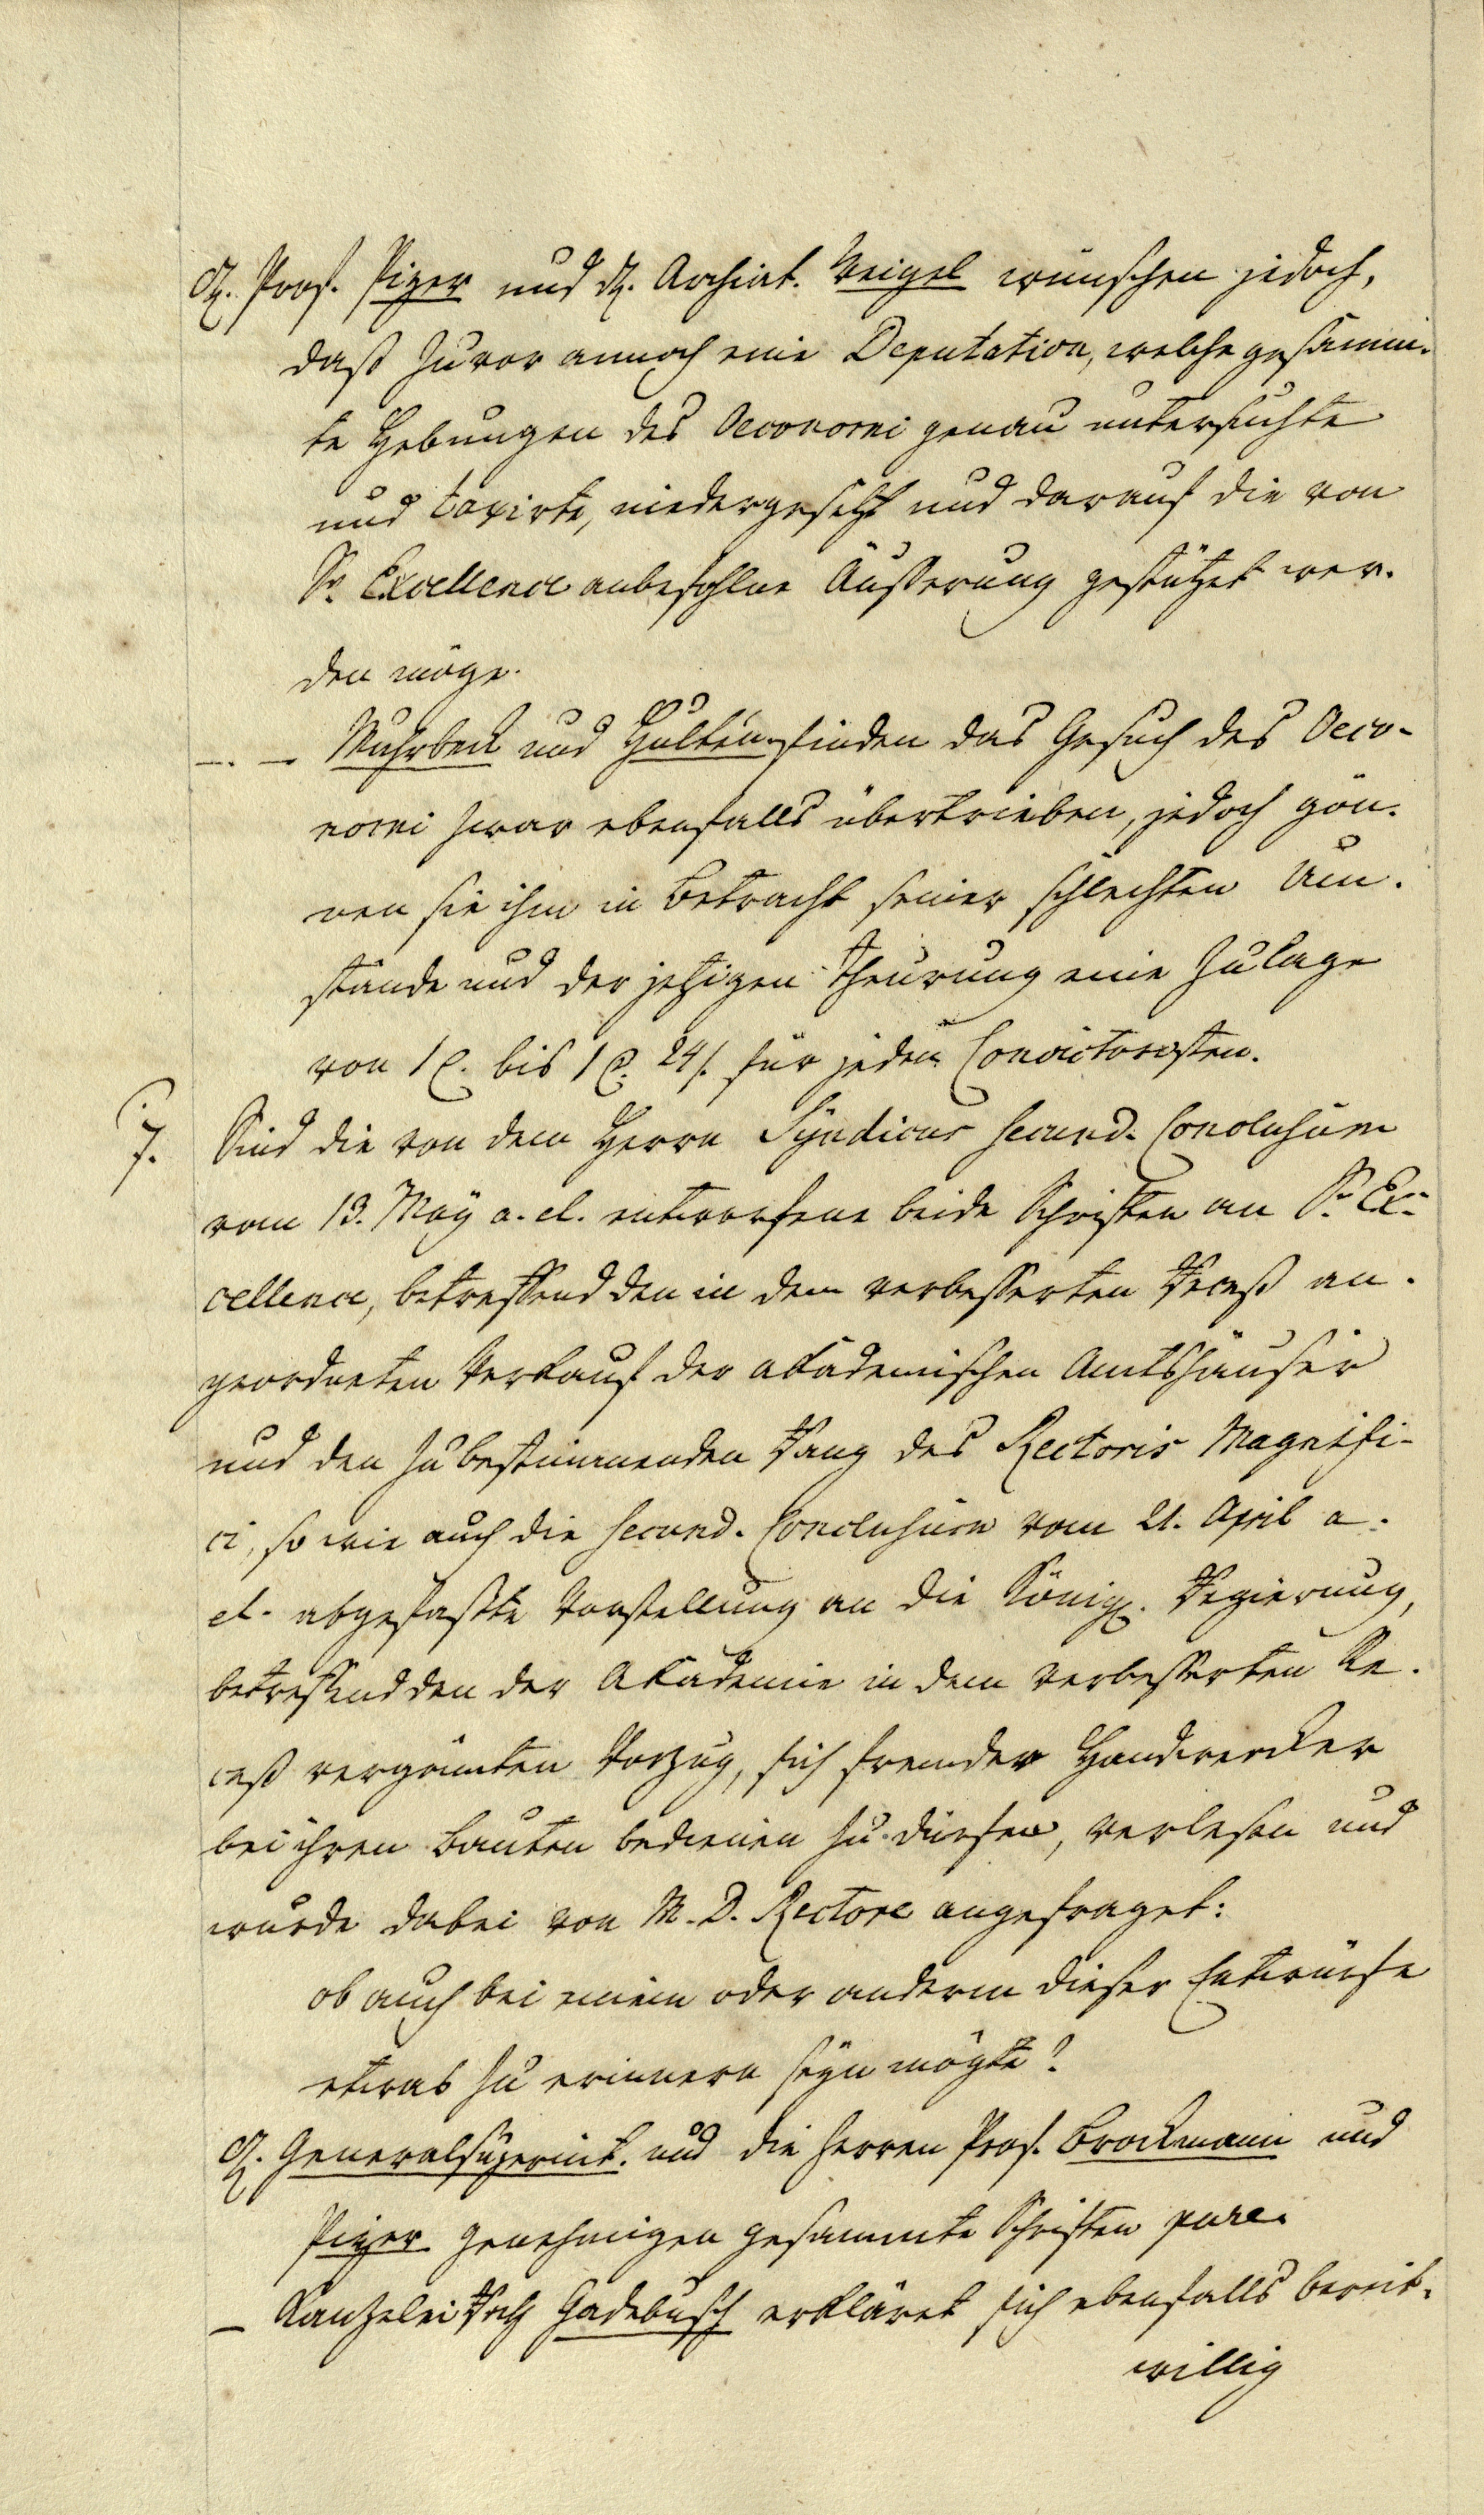dh. Prof. Piper und dh. Archiat. Weigel wünschen jedoch,
daß zuvor annoch eine Deputation, welche gesamm¬
te Hebungen des Oeconomi genau untersuchte
und taxirte, niedergesetzt und darauf die von
Sr. Excellence anbefohlne Äusserung gestützet wer¬
den möge.
Muhrbeck und Hultén finden das Gesuch des Oeco¬
nomi zwar ebenfalls übertrieben, jedoch gön¬
nen sie ihm in Betracht seiner schlechten Um¬
stände und der jetzigen Theurung eine Zulage
von 1 l. bis 1 l. 24 s. für jeden Convictoristen.
7. Sind die von dem Herrn Sÿndicus secund. Conclusum
vom 13. Maÿ a. el. entworfene beide Schriften an Sr Ex¬
cellence, betreffend den in dem verbesserten Receß an¬
geordneten Verkauf der akademischen Amtshäuser
und den zu bestimmenden Rang des Rectoris Magnifi¬
ci, so wie auch die secund. Conclusum vom 21. April a.
et. abgefaßte Vorstellung an die Königl. Regierung,
betreffend den der Akademie in dem verbesserten Re¬
ceß vergönnten Vorzug, sich fremder Handwercker
bei ihren Bauten bedienen zu dürfen, verlesen und
wurde dabei von M. D. Rectore angefraget:
ob auch bei einem oder andern dieser Entwürfe
etwas zu erinnern seÿn mögte?
dh. Generalsuperint. und die Herren Prof. Brockmann und
Piper genehmigen gesammte Schriften pure.
Kanzelei Rath Gadebusch erkläret sich ebenfalls bereit¬
willig